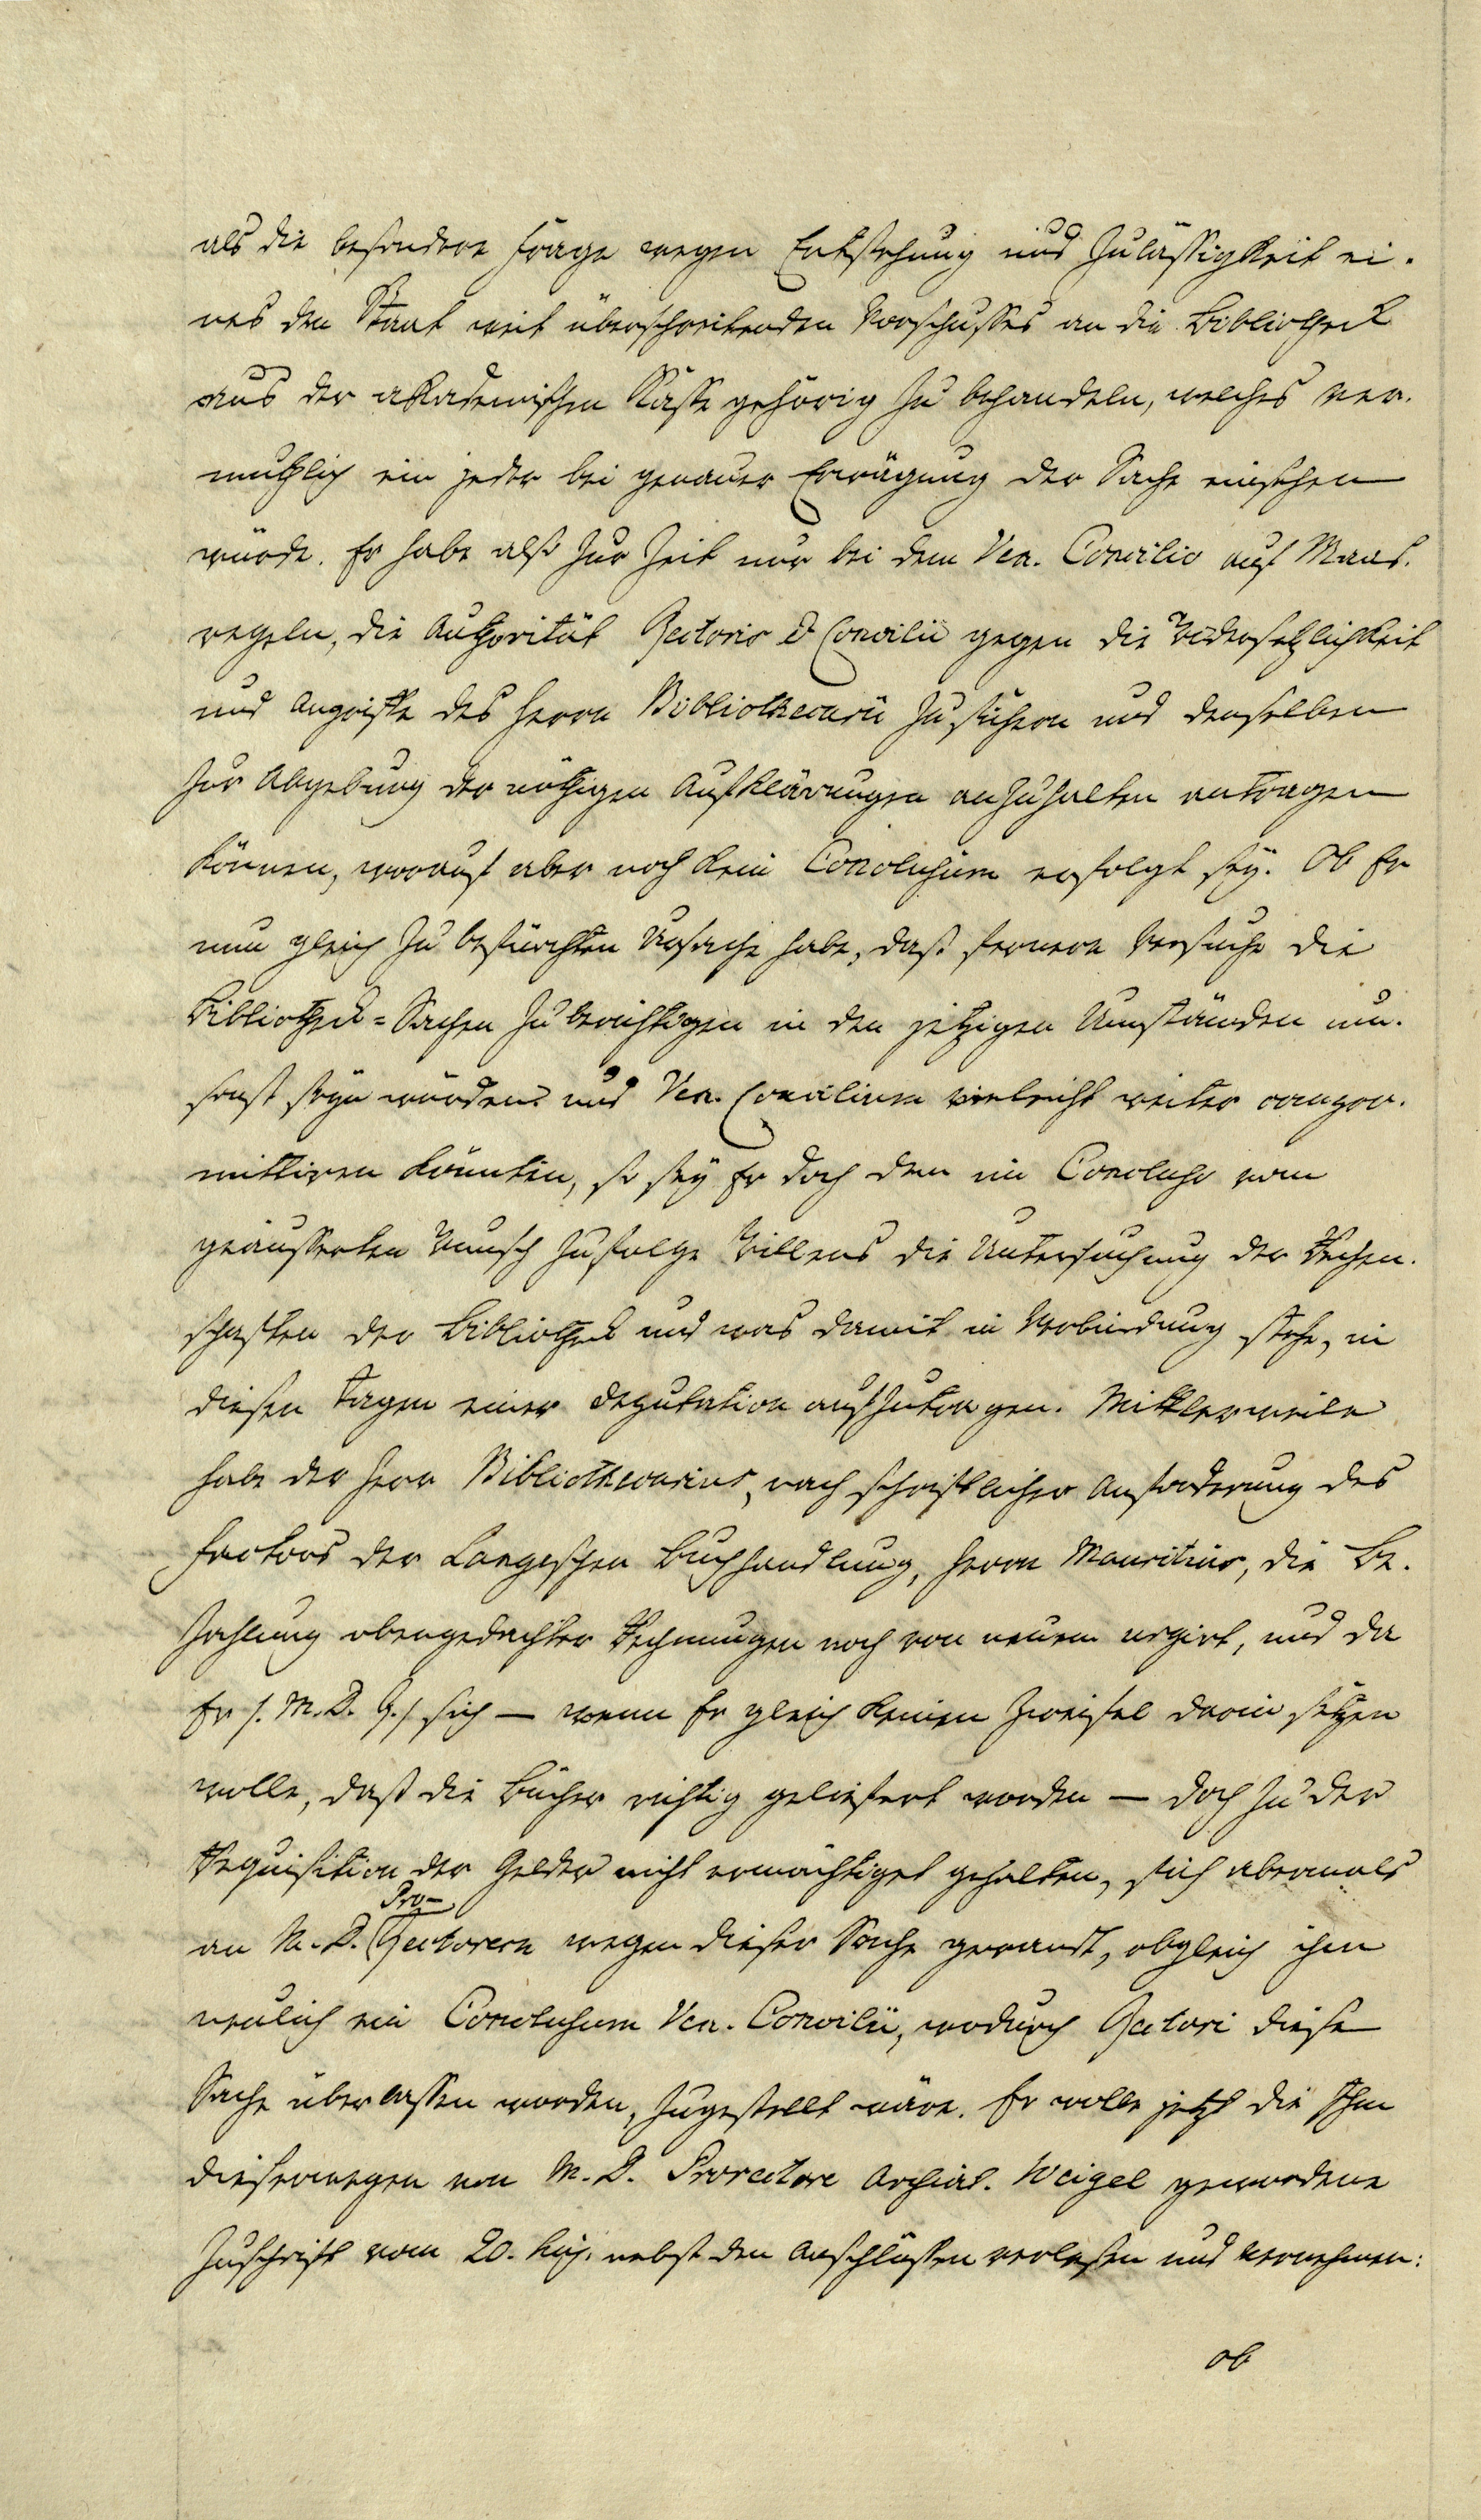als die besondere Frage wegen Entstehung und Zulässigteit ei¬
nes den Staat weit überschreitenden Vorschusses an die Bibliotheck
aus der akademischen Kasse gehörig zu behandeln, welches ver¬
muthlich ein jeder bei genauer Erwägung der Sache einsehen
würde. Er habe also zur Zeit nur bei dem Ven. Concilio auf Maas¬
regeln, die Authorität Rectoris et Concilii gegen die Widersetzlichkeit
und Angriffe des Herrn Bibliothecarii zu sichern und denselben
zur Abgebung der nöthigen Aufklärungen anzuhalten antragen
können, worauf aber noch kein Conclusum erfolgt seÿ. Ob Er
nun gleich zu befürchten Ursache habe, daß fernere Versuche die
Bibliothek -Sachen zu berichtigen in den jetzigen Umständen um¬
sonst seÿn würden und Ven. Concilium vieleicht weiter compro¬
mittiren könnten, so seÿ Er doch dem im Concluso vom
geäusserten Wunsch zufolge Willens die Untersuchung der Rechen¬
schaften der Bibliothek und was damit in Verbindung stehe, in
diesen Tagen einer Deputation aufzutragen. Mittlerweile
habe der Herr Bibliothecarius, nach schriftlicher Anforderung des
Factors der Langeschen Buchhandlung, Herrn Mauritius, die Be¬
zahlung obengedachter Rechnungen noch von neuem urgirt, und da
Er /. M. D. R. / sich - wenn Er gleich keinen Zweifel darin setzen
wolle, daß die Bücher richtig geliefert worden - doch zu der
Requisition der Gelder nicht ermächtiget gehalten, sich abermals
Pro
an M. D. Rectorem wegen dieser Sache gewandt, obgleich ihm
neulich ein Conclusum Ven. Concilii, wodurch Rectori diese
Sache überlassen worden, zugestellt wäre. Er wolle jetzt die Ihm
dieserwegen von M. D. Prorectore Archiat. Weigel gewordene
Zuschrift vom 20. huj. nebst den Anschlüssen verlesen und vernehmen:
ob